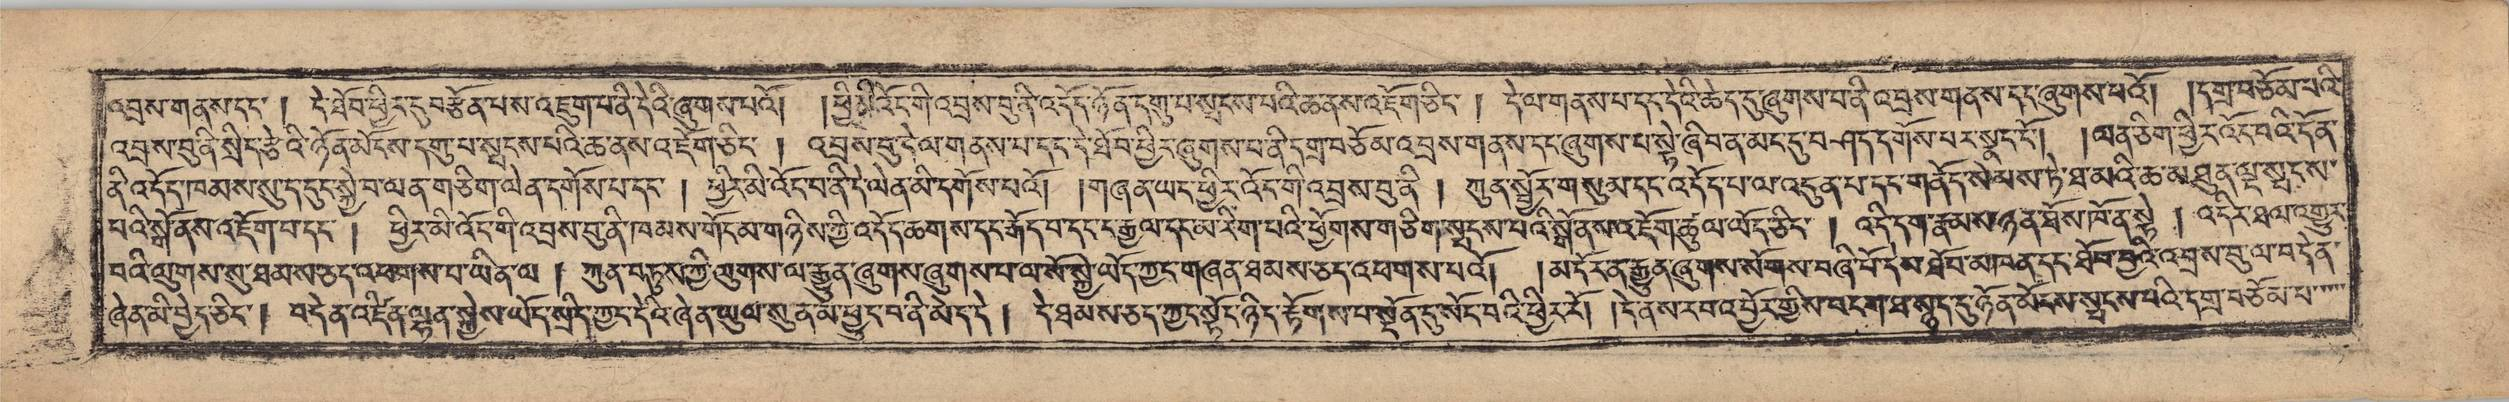འབྲས་གནས་དང་། དེ་ཐོབ་ཕྱིར་དུ་བརྩོན་པས་འཇུག་པ་ནི་དེའི་ཞུགས་པའོ། །ཕྱི་མི་འོང་གི་འབྲས་བུ་ནི་འདོད་ཉོན་དགུ་པ་སྤངས་པའི་ཆ་ནས་འཇོག་ཅིང་། དེ་ལ་གནས་པ་དང་དེའི་ཆེད་དུ་ཞུགས་པ་ནི་འབྲས་གནས་དང་ཞུགས་པའོ། །དགྲ་བཅོམ་པའི་
འབྲས་བུ་ནི་སྲིད་རྩེའི་ཉོན་མོངས་དགུ་པ་སྤངས་པའི་ཆ་ནས་འཇོག་ཅིང་། འབྲས་བུ་དེ་ལ་གནས་པ་དང་དེ་ཐོབ་ཕྱིར་ཞུགས་པ་ནི་དགྲ་བཅོམ་འབྲས་གནས་དང་ཞུགས་པ་སྟེ་ཞིབ་ན་མང་དུ་བཤད་དགོས་པར་སྣང་ངོ། །ལན་ཅིག་ཕྱིར་འོང་བའི་དོན་
ནི་འདོད་ཁམས་སུ་ད་དུང་སྐྱེ་བ་ལན་གཅིག་ལེན་དགོས་པ་དང་། ཕྱིར་མི་འོང་བ་ནི་དེ་ལེན་མི་དགོས་པའོ། །གཞན་ཡང་ཕྱིར་འོང་གི་འབྲས་བུ་ནི། ཀུན་སྦྱོར་གསུམ་དང་འདོད་པ་ལ་འདུན་པ་དང་གནོད་སེམས་ཏེ་ཐ་མའི་ཆ་མཐུན་ལྔ་སྤངས་
པའི་སྒོ་ནས་འཇོག་པ་དང་། ཕྱིར་མི་འོང་གི་འབྲས་བུ་ནི་ཁམས་གོང་མ་གཉིས་ཀྱི་འདོད་ཆགས་དང་རྒོད་པ་དང་ང་རྒྱལ་དང་མ་རིག་པའི་ཕྱོགས་གཅིག་སྤངས་པའི་སྒོ་ནས་འཇོག་ཚུལ་ཡོད་ཅིང་། འདི་དག་རྣམས་ཉན་ཐོས་ཁོ་ན་སྟེ། འདིར་ཐལ་འགྱུར་
བའི་ལུགས་སུ་ཐམས་ཅད་འཕགས་པ་ཡིན་ལ། ཀུན་བཏུས་ཀྱི་ལུགས་ལ་རྒྱུན་ཞུགས་ཞུགས་པ་ལ་སོ་སྐྱེ་ཡོད་ཀྱང་གཞན་ཐམས་ཅད་འཕགས་པའོ། །མདོར་ན་རྒྱུན་ཞུགས་སོགས་བཞི་པོ་དེས་ཐོབ་མཁན་དང་ཐོབ་བྱའི་འབྲས་བུ་ལ་བདེན་
ཞེན་མི་བྱེད་ཅིང་། བདེན་འཛིན་ལྷན་སྐྱེས་ཡོད་སྲིད་ཀྱང་དེའི་ཞེན་ཡུལ་སུན་མ་ཕྱུང་བ་ནི་མེད་དེ། དེ་ཐམས་ཅད་ཀྱང་སྟོང་ཉིད་རྟོགས་པ་སྔོན་དུ་སོང་བའི་ཕྱིར་རོ། །དེ་ནས་རབ་འབྱོར་གྱིས་བདག་ཐ་སྙད་དུ་ཉོན་མོངས་སྤངས་པའི་དགྲ་བཅོམ་པ་